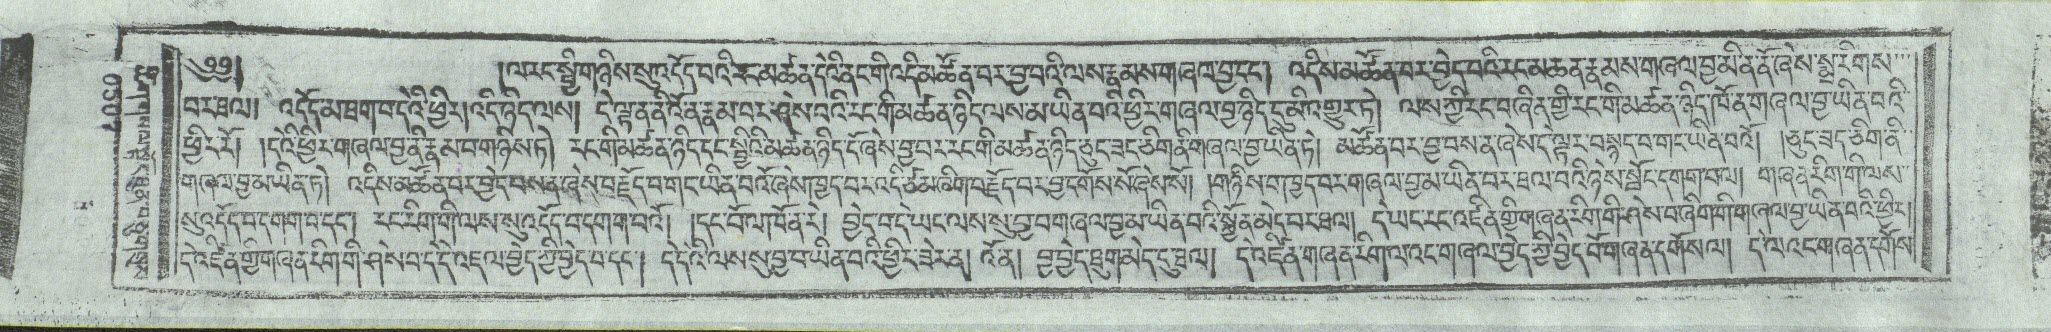༄༅། །ལ་རང་སྤྱི་གཉིས་སུ་འདོད་པའི་རང་མཚན་དེའི་ནང་གི་འདི་མཚོན་པར་བྱ་བའི་ལས་རྣམས་གཞལ་བྱ་དང་། འདིས་མཚོན་པར་བྱེད་པའི་རང་མཚན་རྣམས་གཞལ་བྱ་མིན་ནོ་ཞེས་སྨྲ་རིགས་
པར་ཐལ། འདོད་མ་ཐག་པ་དེའི་ཕྱིར། འདི་ཉིད་ལས། དེ་ལྟ་ན་ནི་འོ་ན་རྣམ་པར་ཤེས་པའི་རང་གི་མཚན་ཉིད་ལས་མ་ཡིན་པའི་ཕྱིར་གཞལ་བྱ་ཉིད་དུ་མི་འགྱུར་ཏེ། ལས་ཀྱི་རང་བཞིན་གྱི་རང་གི་མཚན་ཉིད་ཁོ་ན་གཞལ་བྱ་ཡིན་པའི་
ཕྱིར་རོ། །དེའི་ཕྱིར་གཞལ་བྱ་ནི་རྣམ་པ་གཉིས་ཏེ། རང་གི་མཚན་ཉིད་དང་སྤྱིའི་མཚན་ཉིད་དོ་ཞེས་བྱ་བར་རང་གི་མཚན་ཉིད་ཅུང་ཟད་ཅིག་ནི་གཞལ་བྱ་ཡིན་ཏེ། མཚོན་པར་བྱ་བས་ན་ཞེས་དེ་ལྟར་བསྙད་པ་གང་ཡིན་པའོ། །ཅུང་ཟད་ཅིག་ནི་
གཞལ་བྱ་མ་ཡིན་ཏེ། འདིས་མཚོན་པར་བྱེད་པས་ན་ཞེས་བརྗོད་པ་གང་ཡིན་པའོ་ཞེས་ཁྱད་པར་འདི་ཙམ་ཞིག་བརྗོད་པར་བྱ་དགོས་སོ་ཞེས་སོ། །གཉིས་པ་ཁྱད་པར་གཞལ་བྱ་མ་ཡིན་པར་ཐལ་བའི་ཉེས་སྤོང་དགག་པ་ལ། གཞན་རིག་གི་ལས་
སུ་འདོད་པ་དགག་པ་དང་། རང་རིག་གི་ལས་སུ་འདོད་པ་དགག་པའོ། །དང་པོ་ལ་ཁོ་ན་རེ། བྱེད་པ་དེ་ཡང་ལས་སུ་བྱ་བ་གཞལ་བྱ་མ་ཡིན་པའི་སྐྱོན་མེད་པར་ཐལ། དེ་ཡང་རང་འཛིན་གྱི་གཞན་རིག་གི་ཤེས་བ་ཞིག་གི་གཞལ་བྱ་ཡིན་པའི་ཕྱིར།
དེ་འཛིན་གྱི་གཞན་རིག་གི་ཤེས་པ་དེ་དེ་འཇལ་བྱེད་ཀྱི་བྱེད་པ་དང་། དེ་དེའི་ལས་སུ་བྱ་བ་ཡིན་པའི་ཕྱིར་ཟེར་ན། འོ་ན། བྱ་བྱེད་ཐུག་མེད་དུ་ཐལ། དེ་འཛིན་གཞན་རིག་ལའང་གཞལ་བྱེད་ཀྱི་བྱེད་པོ་གཞན་དགོས་ལ། དེ་ལའང་གཞན་དགོས་